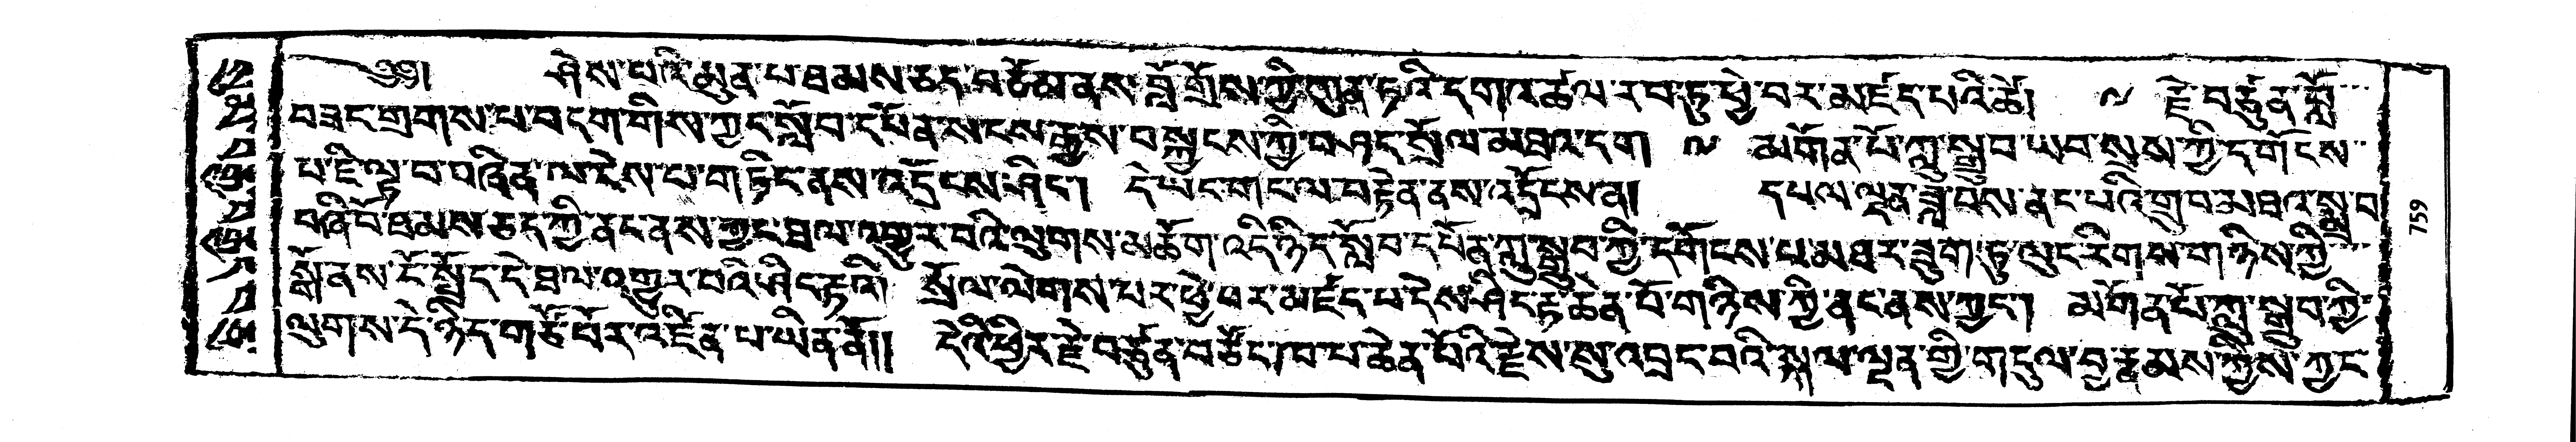༄༅། །ཤེས་པའི་མུན་པ་ཐམས་ཅད་བཅོམ་ནས་བློ་གྲོས་ཀྱི་ཀུན་ཏའི་དགའ་ཚལ་རབ་ཏུ་ཕྱེ་བར་མཛད་པའི་ཚེ། ༧རྗེ་བཙུན་བློ་
བཟང་གྲགས་པ་བདག་གིས་ཀྱང་སློབ་དཔོན་སངས་རྒྱས་བསྐྱངས་ཀྱི་བཤད་སྲོལ་མཐའ་དག ༧མགོན་པོ་ཀླུ་སྒྲུབ་ཡབ་སྲས་ཀྱི་དགོངས་
པ་ཇི་ལྟ་བ་བཞིན་ལ་ངེས་པ་གཏིང་ནས་འདྲོངས་ཤིང་། དེ་ཡང་གང་ལ་བརྟེན་ནས་འདྲོངས་ན། དཔལ་ལྡན་ཟླ་བས་ནང་པའི་གྲུབྨྠའ་སྨྲ་བ་
བཞི་པོ་ཐམས་ཅད་ཀྱི་ནང་ནས་ཀྱང་ཐལ་འགྱུར་བའི་ལུགས་མཆོག་འདི་ཉིད་སློབ་དཔོན་ཀླུ་སྒྲུབ་ཀྱི་དགོངས་པ་མཐར་ཐུག་ཏུ་ལུང་རིགས་གཉིས་ཀྱི་
སྒོ་ནས་ངོ་སྤྲོད་དེ་ཐལ་འགྱུར་བའི་ཤིང་རྟའི། སྲོལ་ལེགས་པར་ཕྱེ་བར་མཛད་པ་དེས་ཤིང་རྟ་ཆེན་པོ་གཉིས་ཀྱི་ནང་ནས་ཀྱང་། མགོན་པོ་ཀླུ་སྒྲུབ་ཀྱི་
ལུགས་དེ་ཉིད་གཙོ་བོར་འཛིན་པ་ཡིན་ནོ།། དེའི་ཕྱིར་རྗེ་བཙུན་བཙོང་ཁ་པ་ཆེན་པོའི་རྗེས་སུ་འབྲང་བའི་སྐལ་ལྡན་གྱི་གདུལ་བྱ་རྣམས་ཀྱིས་ཀྱང་